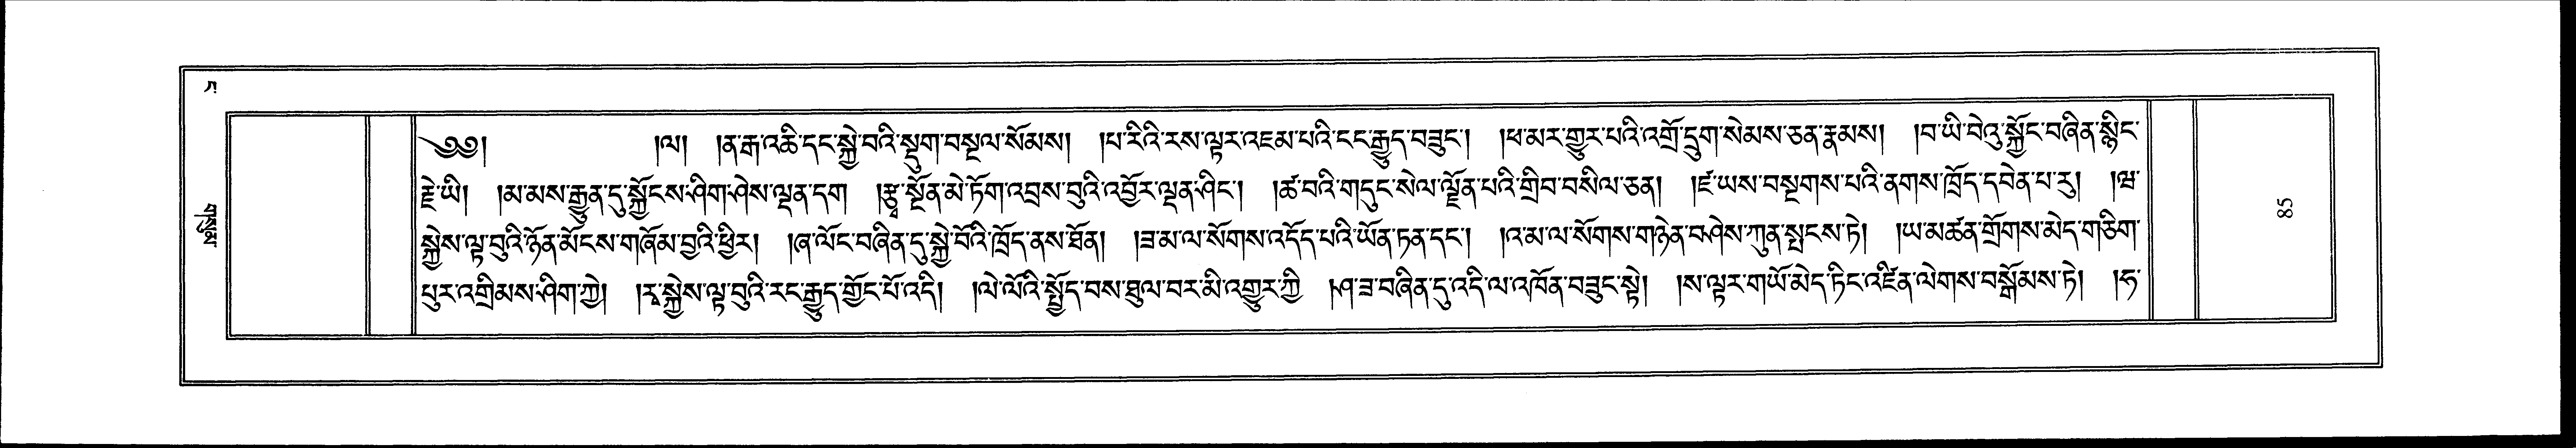༄༅། །ལ། །ན་རྒ་འཆི་དང་སྐྱེ་བའི་སྡུག་བསྔལ་སོམས། །པ་རིའི་རས་ལྟར་འཇམ་པའི་ངང་རྒྱུད་བཟུང་། །ཕ་མར་གྱུར་པའི་འགྲོ་དྲུག་སེམས་ཅན་རྣམས། །བ་ཡི་བེའུ་སྐྱོང་བཞིན་སྙིང་
རྗེ་ཡི། །མ་མས་རྒྱུན་དུ་སྐྱོངས་ཤིག་ཤེས་ལྡན་དག །རྩྭ་སྔོན་མེ་ཏོག་འབྲས་བུའི་འབྱོར་ལྡན་ཤིང་། །ཚ་བའི་གདུང་སེལ་ལྗོན་པའི་གྲིབ་བསིལ་ཅན། །ཛ་ཡས་བསྔགས་པའི་ནགས་ཁྲོད་དབེན་པ་རུ། །ཝ་
སྐྱེས་ལྟ་བུའི་ཉོན་མོངས་གཞོམ་བྱའི་ཕྱིར། །ཞ་ལོང་བཞིན་དུ་སྐྱེ་བོའི་ཁྲོད་ནས་ཐོན། །ཟ་མ་ལ་སོགས་འདོད་པའི་ཡོན་ཏན་དང་། །འ་མ་ལ་སོགས་གཉེན་བཤེས་ཀུན་སྤངས་ཏེ། །ཡ་མཚན་གྲོགས་མེད་གཅིག་
པུར་འགྲིམས་ཤིག་ཀྱེ། །རྭ་སྐྱེས་ལྟ་བུའི་རང་རྒྱུད་གྱོང་པོ་འདི། །ལེ་ལོའི་སྤྱོད་བས་ཐུལ་བར་མི་འགྱུར་ཀྱི། །ཤ་ཟ་བཞིན་དུ་འདི་ལ་འཁོན་བཟུང་སྟེ། །ས་ལྟར་གཡོ་མེད་ཏིང་འཛིན་ལེགས་བསྒོམས་ཏེ། །ཧ་